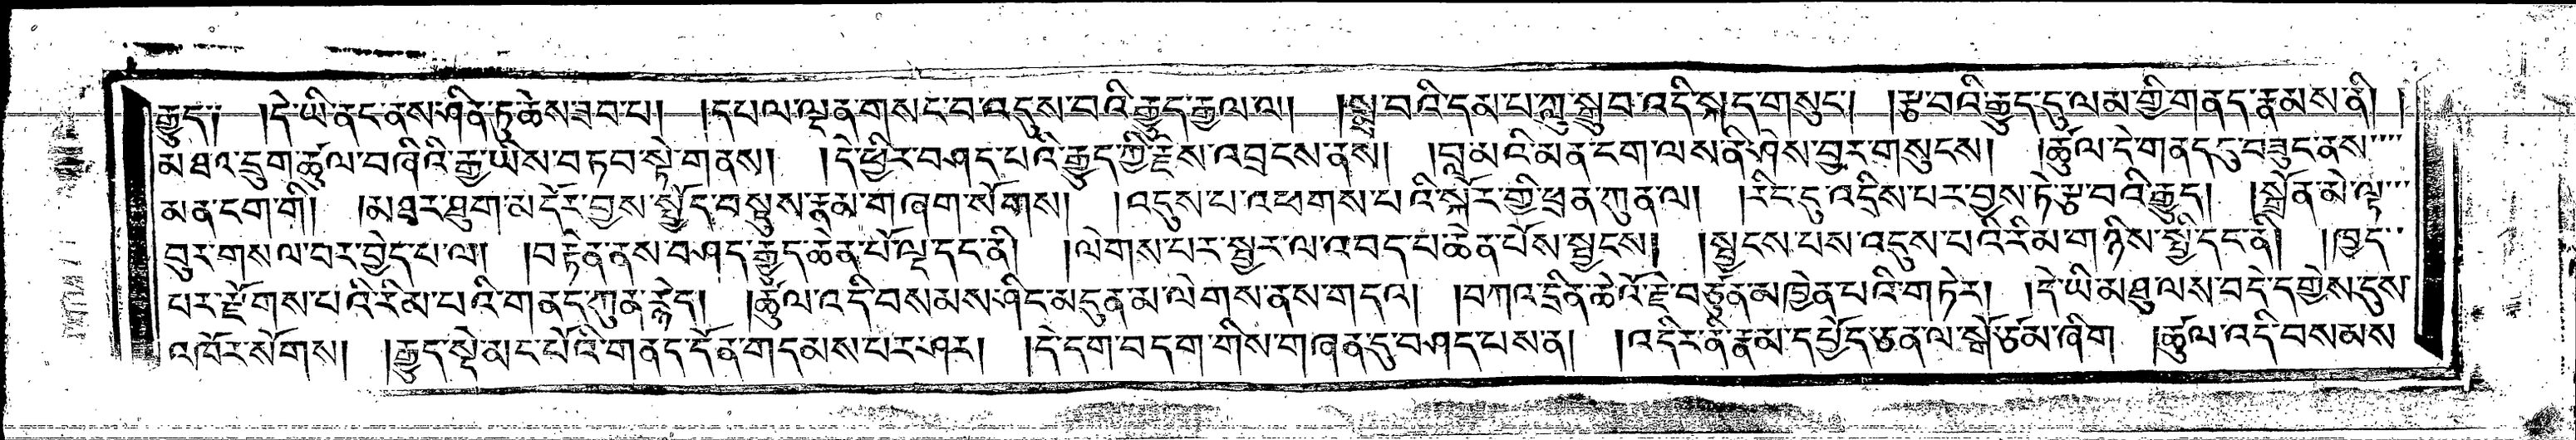རྒྱུད༑ །དེ་ཡི་ནང་ནས་ཤིན་ཏུ་ཆེས་ཟབ་པ། །དཔལ་ལྡན་གསང་བ་འདུས་པའི་རྒྱུད་རྒྱལ་ལ། །སྨྲ་བའི་དམ་པ་ཀླུ་སྒྲུབ་འདི་སྐད་གསུང་། །རྩ་བའི་རྒྱུད་དུ་ལམ་གྱི་གནད་རྣམས་ནི། །
མཐའ་དྲུག་ཚུལ་བཞིའི་རྒྱ་ཡིས་བཏབ་སྟེ་གནས། །དེ་ཕྱིར་བཤད་པའི་རྒྱུད་ཀྱི་རྗེས་འབྲངས་ནས། །བླ་མའི་མན་ངག་ལས་ནི་ཤེས་བྱར་གསུངས། །ཚུལ་དེ་གནད་དུ་བཟུང་ནས་
མན་ངག་གི། །མཐར་ཐུག་མདོར་བྱས་སྤྱོད་བསྡུས་རྣམ་གཞག་སོགས། །འདུས་པ་འཕགས་པའི་སྐོར་གྱི་ཕྲན་ཀུན་ལ། །རིང་དུ་འདྲིས་པར་བྱས་ཏེ་རྩ་བའི་རྒྱུད། །སྒྲོན་མེ་ལྟ་
བུར་གསལ་བར་བྱེད་པ་ལ། །བརྟེན་ནས་བཤད་རྒྱུད་ཆེན་པོ་ལྔ་དང་ནི། །ལེགས་པར་སྦྱར་ལ་འབད་པ་ཆེན་པོས་སྦྱངས། །སྦྱངས་པས་འདུས་པའི་རིམ་གཉིས་སྤྱི་དང་ནི། །ཁྱད་
པར་རྫོགས་པའི་རིམ་པའི་གནད་ཀུན་རྙེད། །ཚུལ་འདི་བསམས་ཤིང་མདུན་མ་ལེགས་ནས་གདའ། །བཀའ་དྲིན་ཆེའོ་རྗེ་བཙུན་མཁྱེན་པའི་གཏེར། །དེ་ཡི་མཐུ་ལས་བདེ་དགྱེས་དུས་
འཁོར་སོགས། །རྒྱུད་སྡེ་མང་པོའི་གནད་དོན་གདམས་པར་ཤར། །དེ་དག་བདག་གིས་གཞན་དུ་བཤད་པས་ན། །འདིར་ནི་རྣམ་དཔྱོད་ཅན་ལ་སྒོ་ཙམ་ཞིག །ཚུལ་འདི་བསམས་